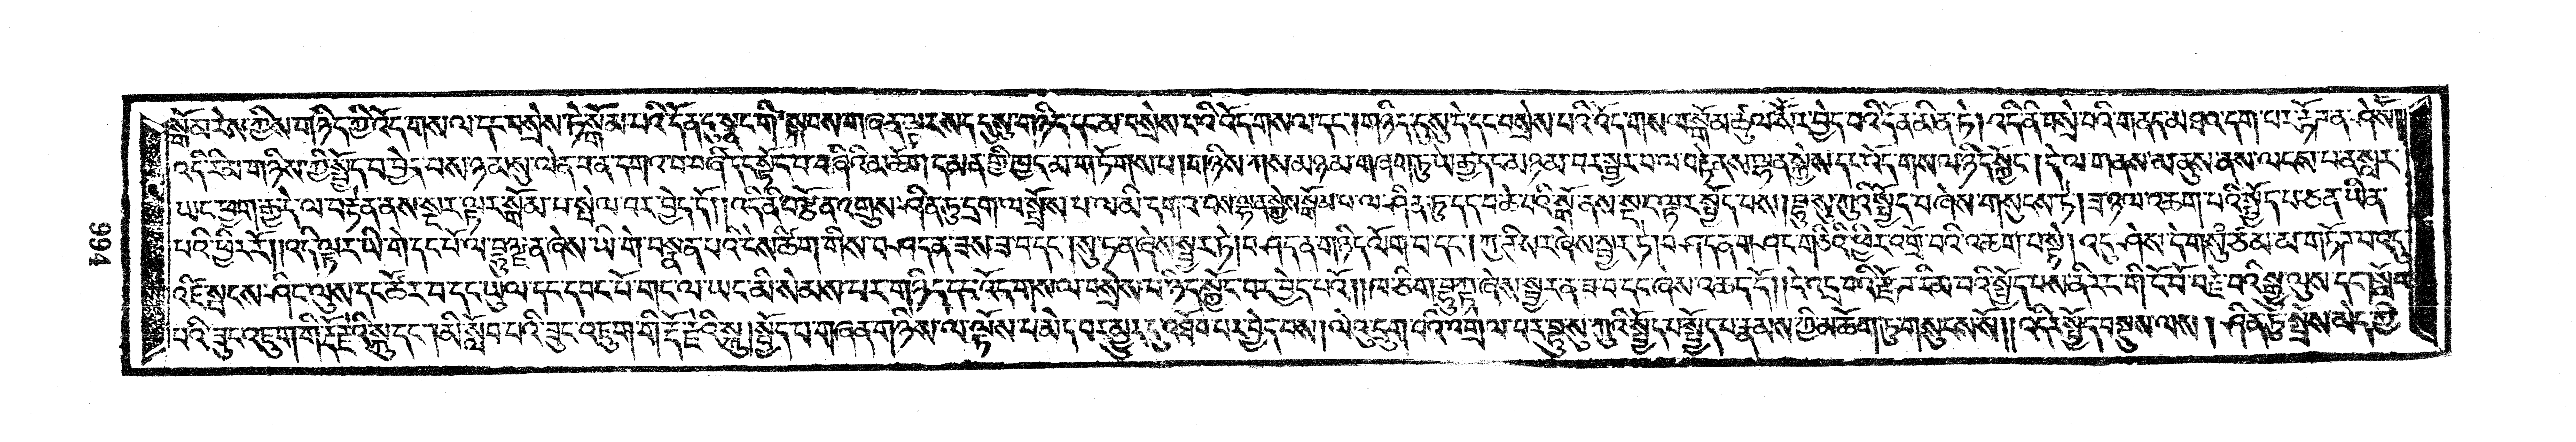སྒོམ་རེས་ཀྱིས་གཉིད་ཀྱི་འོད་གསལ་དང་བསྲེས་ཏེ་སྒོམ་པའི་དོན་དུ་སྣང་གི། སྐབས་གཞན་ལྟར་སད་དུས་སུ་གཉིད་དང་མ་བསྲེས་པའི་འོད་གསལ་དང་། གཉིད་དུས་སུ་དེ་དང་བསྲེས་པའི་འོད་གསལ་སྒོམ་ཚུལ་སོ་སོར་བྱེད་པའི་དོན་མིན་ཏེ། འདི་ནི་བསྲེ་བའི་གནད་མཐའ་དག་པར་རྟོགས་ན་ཤེས་སོ། །
འདི་རིམ་གཉིས་ཀྱི་སྤྱོད་པ་བྱེད་པས་ཉམས་སུ་ལེན་པ་ན་དགའ་བ་བཞི་དང་སྟོང་པ་བཞིའི་མཆོག་དམན་གྱི་ཁྱད་མ་གཏོགས་པ། གཉིས་ཀས་མཉམ་གཞག་ཏུ་ཡེ་རྒྱ་དང་མཉམ་པར་སྦྱར་བ་ལ་བརྟེན་ནས་ལྷན་སྐྱེས་དང་འོད་གསལ་ཉིད་སྐྱོང་། དེ་ལ་གནས་མ་ནུས་ནས་ལངས་པ་ན་སླར་
ཡང་ཕྱག་རྒྱ་དེ་ལ་བརྟེན་ནས་སྔར་ལྟར་སྒོམ་པ་སྤེལ་བར་བྱེད་དོ། །འདི་ནི་བརྩོན་འགྲུས་ཤིན་ཏུ་དྲག་ལ་སྤྲོས་པ་ལ་མི་དགའ་བས་ལྷན་སྐྱེས་སྒོམ་པ་ལ་ཤིན་ཏུ་དད་པ་ཆེ་བའི་སྒོ་ནས་སྔར་ལྟར་སྤྱོད་པས། བྷུ་སུ་ཀུའི་སྤྱོད་པ་ཞེས་གསུངས་ཏེ། ཟ་ཉལ་འཆག་པའི་སྤྱོད་པ་ཅན་ཡིན་
པའི་ཕྱིར་རོ། །འདི་ལྟར་ཡི་གེ་དང་པོ་ལ་བྷུཉྫ་ན་ཞེས་ཡི་གེ་བསྣན་པའི་ངེས་ཚིག་གིས་བཤད་ན་ཟས་ཟ་བ་དང་། སུ་ཏ་ན་ཞེས་སྦྱར་ཏེ། བཤད་ན་གཉིད་ལོག་པ་དང་། ཀུ་ཊི་ས་ར་ཞེས་སྦྱར་ཏེ། བཤད་ན་གཤང་གཅིའི་ཕྱིར་འགྲོ་བའི་འཆག་པ་སྟེ། འདུ་ཤེས་དེ་གསུཾ་ཙམ་མ་གཏོགས་པ་འདུ་
འཛི་སྤངས་ཤིང་ལུས་དང་ཚོར་བ་དང་ཡུལ་དང་དབང་པོ་གང་ལ་ཡང་མི་སེམས་པར་གཉིད་དང་འོད་གསལ་བསྲེས་པ་ཉིད་སྐྱོང་བར་བྱེད་པའོ། །ཁ་ཅིག་བྷུཀྟ་ཞེས་སྦྱར་ན་ཟ་བ་དང་ཞེས་འཆད་དོ། །དེ་འདྲ་བའི་རྫོགས་རིམ་པའི་སྤྱོད་པས་ནི་རང་གི་ངོ་བོ་བརྗེ་བའི་སྒྱུ་ལུས་དང་། སློབ་
པའི་ཟུང་འཇུག་གི་རྡོ་རྗེའི་སྐུ་དང་། མི་སློབ་པའི་ཟུང་འཇུག་གི་རྡོ་རྗེའི་སྐུ། སྤྱོད་པ་གཞན་གཉིས་ལ་ལྟོས་པ་མེད་པར་མྱུར་དུ་འཐོབ་པར་བྱེད་པས། ལེའུ་དྲུག་པའི་འགྲེལ་པར་བྷུ་སུ་ཀུའི་སྤྱོད་པ་སྤྱོད་པ་རྣམས་ཀྱི་མཆོག་ཏུ་གསུངས་སོ། །འདིར་སྤྱོད་བསྡུས་ལས། ཤིན་ཏུ་སྤྲོས་མེད་ཀྱི་